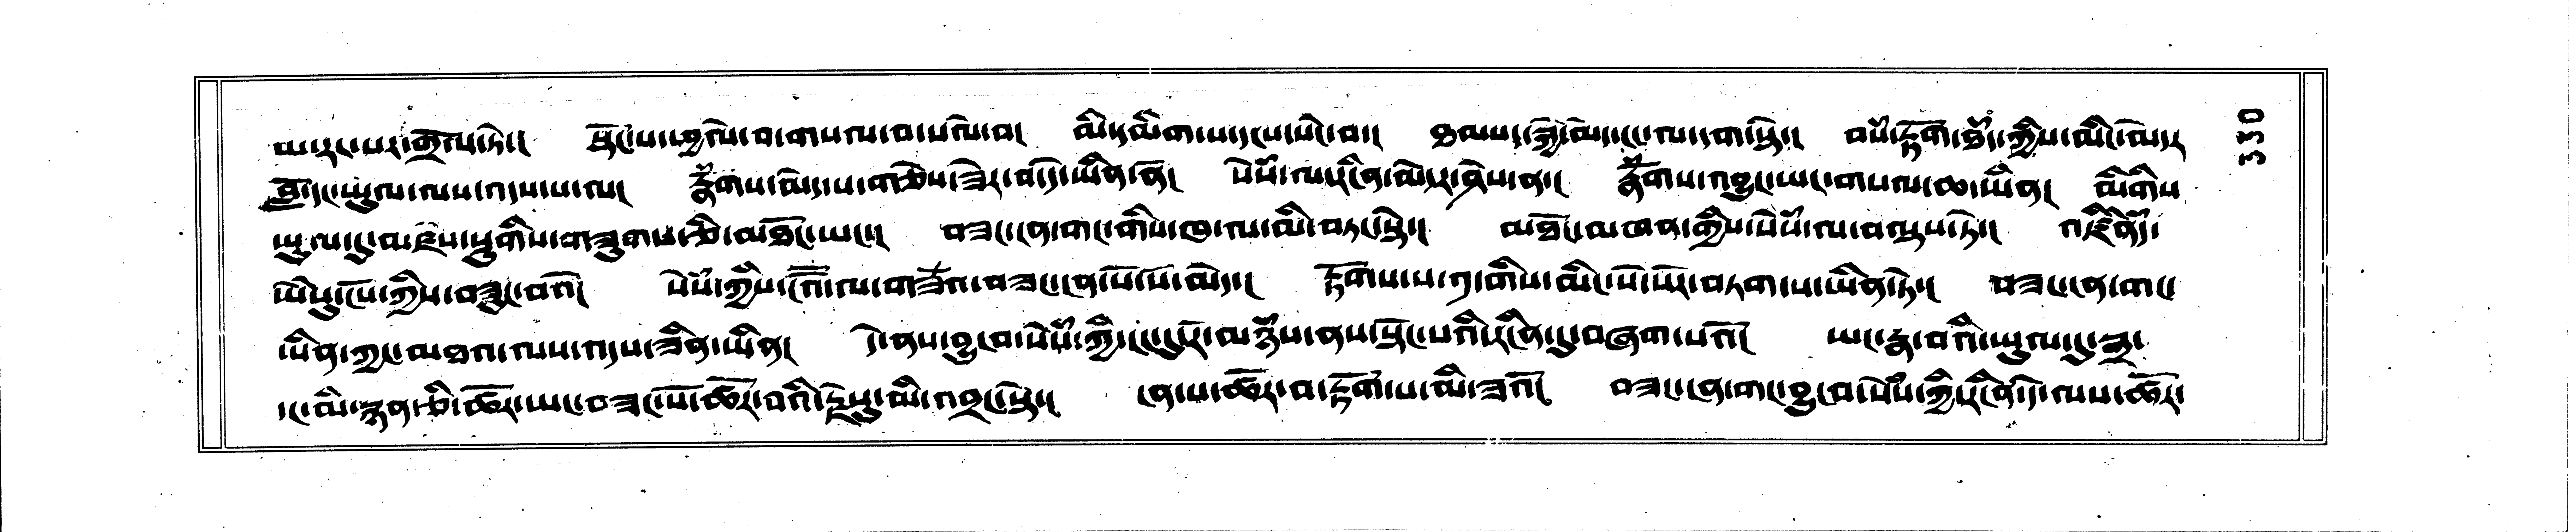མ་རང་སར་གྲོལ་ཏེ་སྟོང་པ་ཕྱ་ལེ་བ། གསལ་ལ་སལེ་བ། མི་དམིགས་སང་ངེ་བ། ཐམས་ཅད་སྐྱེ་མེད་ཀྱིས་ངང་ལས་དག་སྟེ། བསམ་རྟོག་ཐམས་ཅད་ཀྱིས་མིང་མེད་པར་
བློ་དང་ཡུལ་ལས་འདས་པ་ལ། རྣམ་རྟོག་མེད་པ་གཅེས་ཟེར་བ་ནི་དེ་ཡིན་ནོ། སེམས་ལ་རང་བཞིན་མེད་པར་ཤེས་ན། རྣམ་རྟོག་བྱུང་ཡང་གསལ་ཆ་ཡིན། མིག་གིས་
ཡུལ་ན་མཛེས་སྡུག་ཀྱི་གཟུགས་ཅི་མཐོང་ཡང་བཟང་ངན་གང་གིས་ཡང་ཁ་ལ་མི་བཏང་ཏེ། མཐོང་མཁན་གྱིས་སེམས་ལ་ལྟ་སྟེ། འཛིན་མེད་
ཡེ་ཤེས་སུ་ངོས་ཀྱིས་བཟུང་པའོ། སེམས་ཀྱིས་ངོའོ་ལ་བཟང་ངན་གཉིས་སོ་སོར་མེད། རྟོག་པ་ཅིག་གིས་མིང་སོ་སོར་བཏགས་པ་ཡིན་ཏེ། བཟང་ངན་གང་
གིས་ཡང་མཐའ་ལས་འདས་ཟིན་ཡིན། དེ་ན་བྱང་ཆུབ་སེམས་ཀྱིས་ངང་དུ་རོ་མཉམས་པས། སྟོང་པའི་རང་བཞིན་དུ་བཞག་པའོ། ཡང་ན་རྣ་བའི་ཡུལ་དུ་སྒྲ་
བསྙེན་༼སྙན༽མི་བསྙེན་ཅི་ཚོར་ཡང་། བཟང་པོ་ཚོར་བའི་རྗེས་སུ་མི་འབྲིང་སྟེ། ངན་པ་ཚོར་བ་ལ་རྟོག་པ་མི་ཟ། བཟང་ངན་གང་ཡང་བྱང་ཆུབ་སེམས་ཀྱིས་རང་བཞིན་མོ་དེ་ཚོར་བ་དེ་